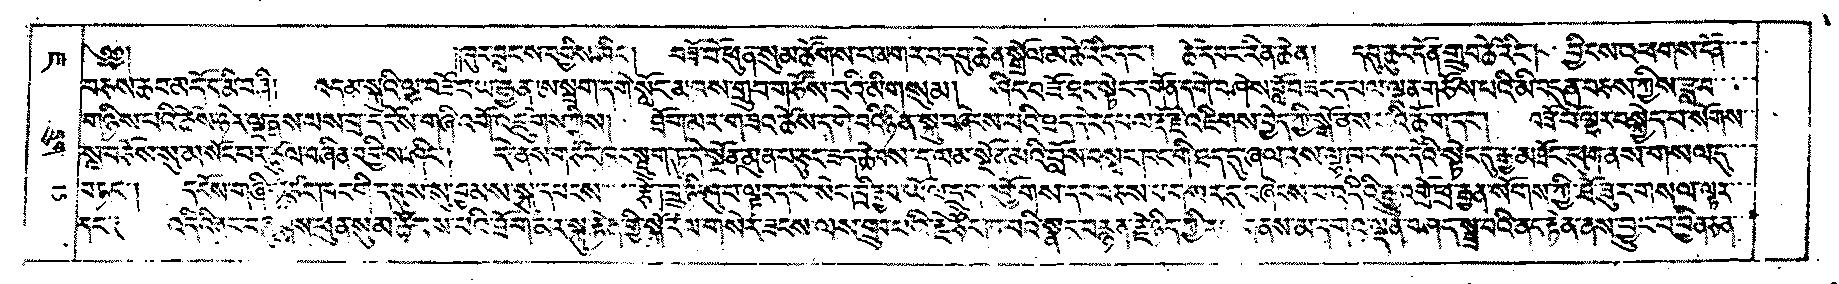༄༅། །ཁུར་བླངས་བགྱིས་ཤིང་། བཟོ་བོ་ཕུན་སུམ་ཚོགས་པ་མགར་བ་དབུ་ཆེན་སྒྲོལ་མ་ཚེ་རིང་དང་། ཚེ་དབང་རིན་ཆེན། དབུ་ཆུང་དོན་གྲུབ་ཚེ་རིང་། བྱིངས་འཕགས་དོན་
བཅས་ཆབ་མདོ་བ་མི་བཞི། འདམ་སྐུའི་ལྷ་བཟོ་བ་ཡ་རྒྱན་ཨ་སྦག་དགེ་སློང་མཁས་གྲུབ་གཙོས་པའི་མི་གསུམ། ཤིང་བཟོ་ཐང་སྟེང་དགོན་དགེ་བཤེས་བློ་བཟང་དཔལ་ལྡན་གཙོས་པའི་མི་བདུན་བཅས་ཀྱིས་ཟླ་བ་
གཉིས་པའི་ཚེས་ཉེར་ལྔ་ནས་ལས་གྲ་དངོས་གཞི་འགོ་འཛུགས་ཀྱིས། ཐོག་མར་གཟའ་ཚེས་དགེ་བའི་ཉིན་སྐུ་བཞེངས་པའི་ཐད་དེར་དཔལ་རྡོ་རྗེ་འཇིགས་བྱེད་ཀྱི་སྒོ་ནས་སའི་ཆོ་ག་དང་། བཟོ་བོ་ལྷར་བསྐྱེད་པ་སོགས་
སླ་བཅོས་སུ་མ་སོང་བར་ཚུལ་བཞིན་བགྱིས་ཤིང་། དེ་ནས་གཙང་ཁང་སྦུག་ཏུ་དེ་སྔོན་མུན་པ་ཅུང་ཟད་ཆེ་བས་ད་ལམ་སྔོན་མའི་བློས་བསླང་ཁང་གི་ཐད་དུ་ཞལ་རས་ལྷ་ཁང་དང་དེའི་སྟེང་དུ་རྒྱ་མཐོང་ཕུག་ནས་གསལ་དུ་
བཏང་། དངོས་གཞི་གཙང་ཁང་གི་དབུས་སུ་བྱམས་སྐུ་དཔངས་རྩེ་ཁྲུ་ཉི་ཤུ་པ་ལྟར་དང་སེང་ཁྲི་རྒྱབ་ཡོལ་དྲུག་འགྱོགས་དང་བཅས་པ་གསར་དུ་བཞེངས་པ་འདིའི་རྒྱུ་འགྲོ་ཕྲ་རྒྱན་སོགས་ཀྱི་ཐོ་ཟུར་གསལ་ལྟར་
དང༑ འདིའི་ནང་བཞུགས་ཕུན་སུམ་ཚོགས་པའི་ཐོག་མར་སྐུ་རྟེན་གྱི་སྐོར་ལ་གསེར་ཟངས་ལས་གྲུབ་པའི་རྗེ་ཙོང་ཁ་པའི་སྣང་བརྙན་རྗེ་ཉིད་ཀྱི་རབ་གནས་མ་དགའ་ལྡན་བཤད་སྒྲ་བའི་ནང་རྟེན་ནས་བྱུང་བ་བྱིན་ཅན་